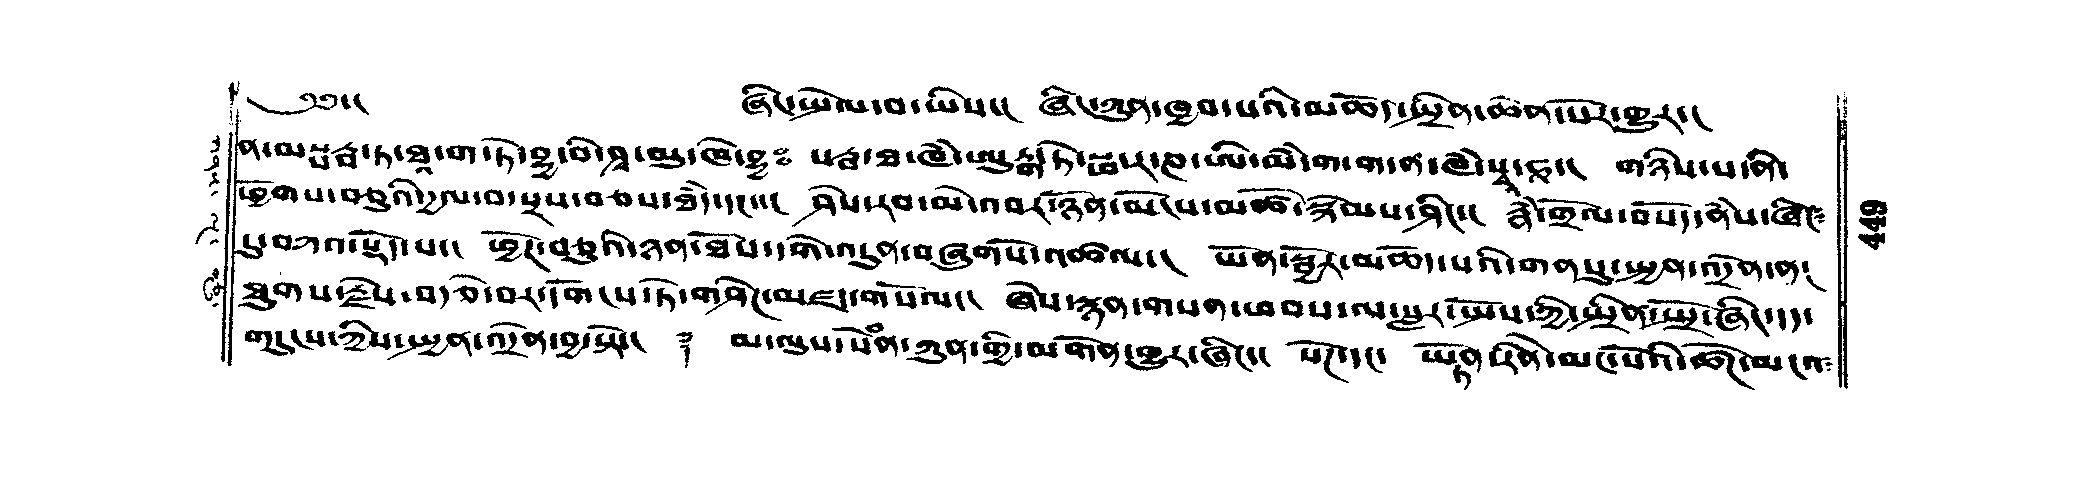ཞིང་སྤེལ་བ་ཡིས། །ཞིང་ཀུན་ཁྱབ་པའི་མཆོད་སྤྲིན་ཆེན་པོར་གྱུར། །
ན་མ་སརྦ་ཏ་ཐཱ་ག་ཏོ་བྷྱ་བི་ཤྭ་མུ་ཁེ་བྷྱཿསརྦ་ཐ་ཁཾ་ཨུདྒ་ཏེ་སྥ་ར་ཎ་ཨི་མཾ་ག་ག་ན་ཁཾ་སྭཱ་ཧ། གཉིས་པ་ནི། 
ཕྱོགས་བཅུའི་རྒྱལ་བ་སྲས་བཅས་ཐམས་ཅད་དང་། །ཤེས་རབ་མེ་འབར་ཉོན་མོངས་མཚོ་སྐེམས་ཤིང་། །རྣམ་གྲོལ་བསོད་ནམས་ཞིང་
དུ་བཀའ་སྡོད་པ། །ཕྱོགས་བཅུའི་ཉན་ཐོས་དགེ་འདུན་བཞུགས་སོ་འཚལ། །ཡོན་སྦྱོར་མཆོད་པའི་གནས་སུ་སྤྱན་འདྲེན་ན། །
ཐུགས་རྗེས་བརྩེ་བར་དགོངས་ཏེ་གཤེགས་སུ་གསོལ། ཞེས་སྙན་གསན་ཕབས་ལ་སླར་སྤོས་ཀྱིས་སྤྲིན་སྤྲོ་ཞིང་དད་
གདུང་གིས་སྤྱན་འདྲེན་ནོ། མ་ལུས་སེམས་ཅན་ཀུན་གྱི་མགོན་གྱུར་ཞིང་། སོགས་དང་། ཡོན་ཏན་རིན་ཆེན་མང་པོའི་ཚོགས་མངའ་